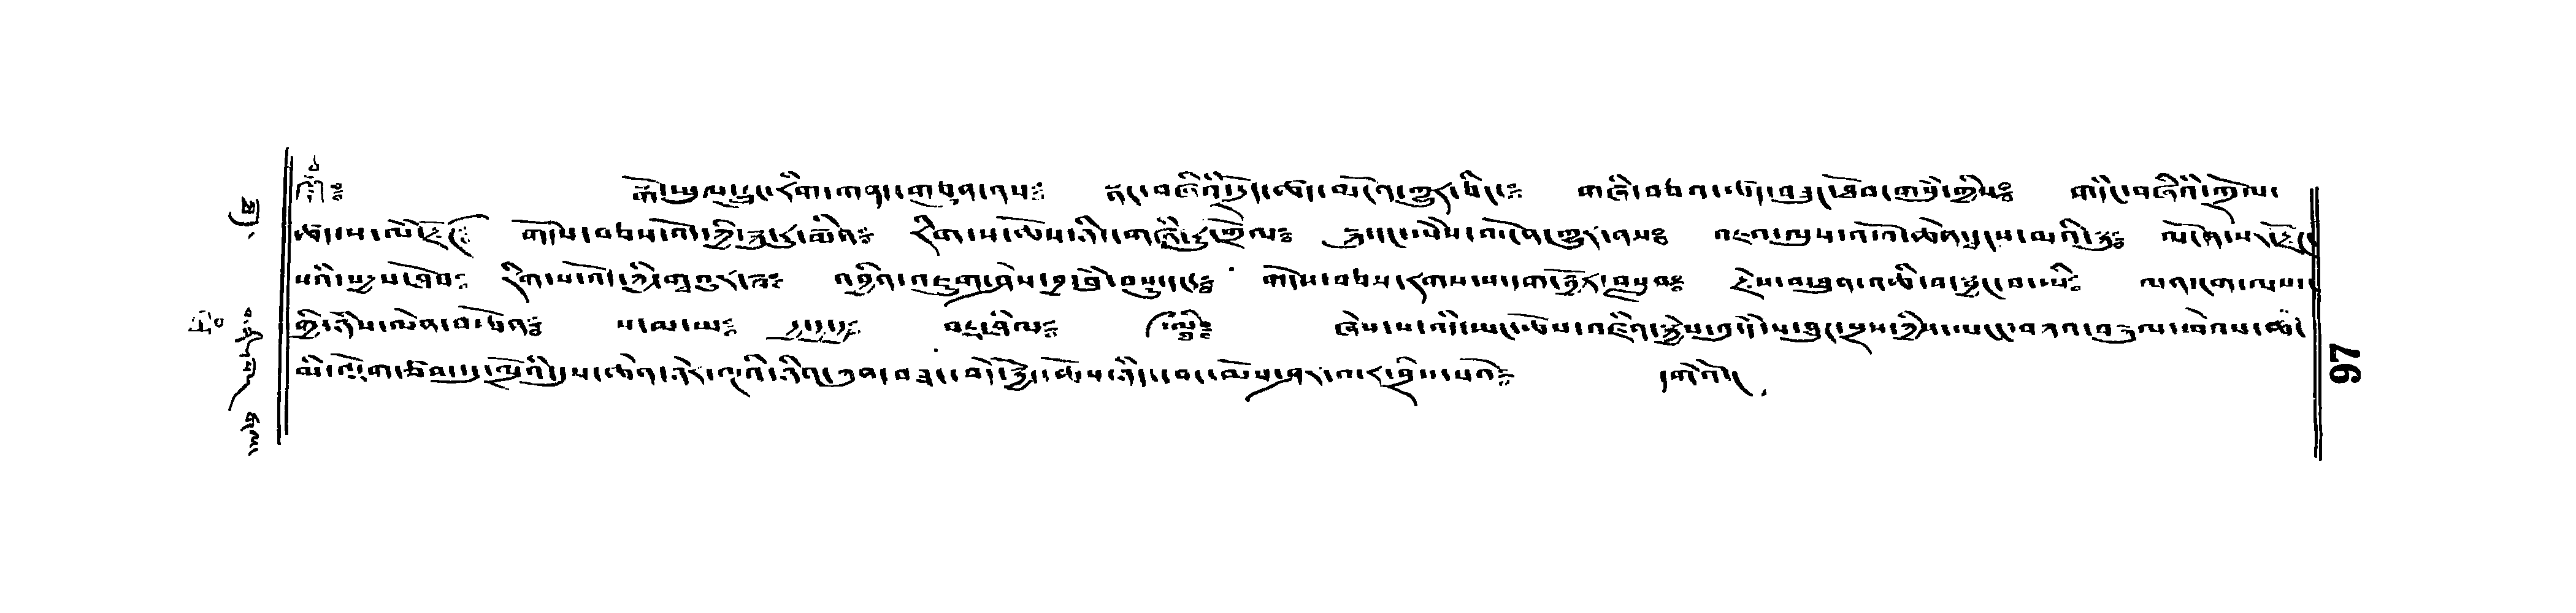སྒོ་ཡུལ་རླུང་རིག་གནད་གཅུན་ནས༔ སྣང་བཞིའི་དྲོད་ཚད་མངོན་གྱུར་ཅིང༔ གཞི་བཅའ་ཚད་བཟུང་ཐོབ་གསུམ་གྱིས༔ གདིང་བཞིའི་གྲོལ་
ཚད་ས་ལམ་རྫོགས༔ གདོས་བཅས་འོད་ཀྱི་སྐུ་རུ་སྨིན༔ རིག་པ་ཆོས་ཉིད་གཞི་རུ་གྲོལ༔ སྐུ་དང་ཡེ་ཤེས་མངོན་གྱུར་ནས༔ འཇའ་ལུས་འཕོ་ཆེན་དྭངས་མའི་སྐུ༔ མངོན་པར་རྫོགས་
པའི་སངས་རྒྱས་ཐོབ༔ རིག་པ་འོད་ཀྱི་གྭའུར་སྦ༔ འབྱིན་འཇུག་ཤེས་བྱ་བུམ་བསྡུ་དང༔ གདོས་བཅས་རགས་པ་དག་སྦྱོར་བསླབ༔ རྗེས་མཐུན་འཆི་བ་སྦྱང་བ་ཡི༔ མན་ངག་ལམ་
གྱི་ཉམས་ལེན་བརྩོན༔ ས་མ་ཡ༔ རྒྱ་རྒྱ་རྒྱ༔ བརྡ་ཐིམ༔ ༔ ཞེས་པ་འདི་ཡང་ཆོས་འཛིན་སྐྱེས་བུ་དམ་པ་ཐུགས་སྲས་ཀྱིས་ཡང་ཡང་བཀའ་བསྐུལ་ཕེབས་ཚེ་
མི་ལྡོག་ཙམ་དུ་མཁའ་འགྲོའི་དུས་ཆེན་ཉེར་ལྔའི་ཉིན་ཀུན་བཟང་བདེ་སྐྱོང་ཆོས་ཉིད་དབང་མོས་ཤར་མར་བྲིས་པའོ།། དགེའོ།།